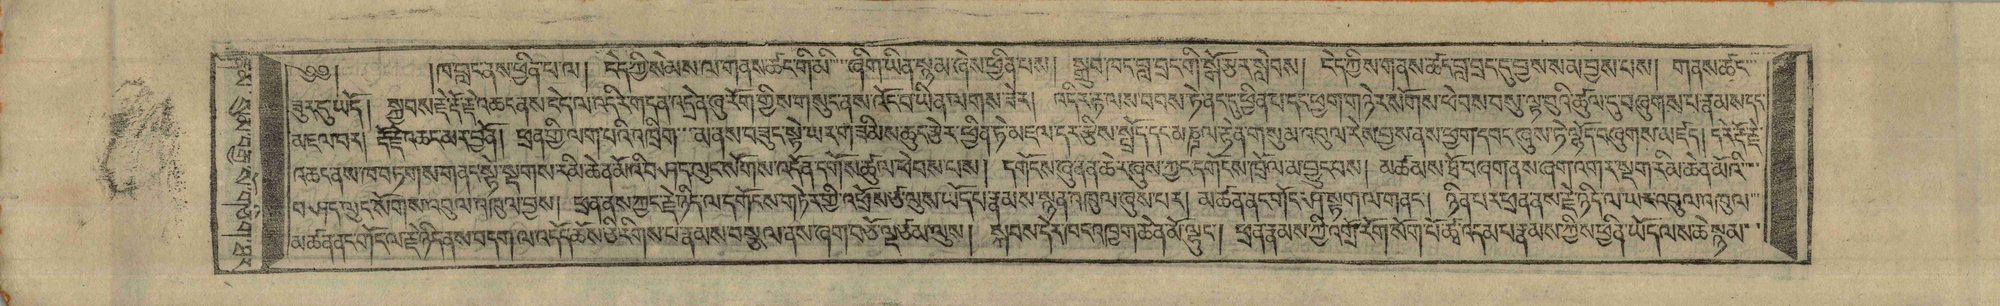༄༅། །ཁ་བླང་ནས་ཕྱིན་པ་ལ། ངེད་ཀྱི་སེམས་ལ་གནས་ཚང་གི་མི་ཞིག་ཡིན་སྙམ་ཞེས་ཕྱིན་པས། སྒྲུབ་ཁང་བླ་བྲང་གི་སྒོ་རྩར་སླེབས། ངེད་ཀྱིས་གནས་ཚང་བླ་བྲང་དུ་བྱས་སམ་བྱས་པས། གནས་ཚང་
ཟུར་དུ་ཡོད། སྐྱབས་རྗེ་རྡོ་རྗེ་འཆང་ནས་ངེད་ལ་འདིར་གདན་འདྲེན་ཞུ་རོག་གྱིས་གསུང་ནས་འོང་བ་ཡིན་ལགས་ཟེར། འདིར་རྟ་ལས་བབས་ཏེ་ནང་དུ་ཕྱིན་པ་དང་ཕྱག་གཉེར་སོགས་ཕེབས་བསུ་ལྟ་བུའི་ཚུལ་དུ་བཞུགས་པ་རྣམས་དང་
མཇལ་བར། རྡོ་རྗེ་འཆང་མར་བྱོན། ཕྲན་གྱི་ལག་པའི་འཁྲིག་མ་ནས་བཟུང་སྟེ་ཡར་གཟིམས་ཆུང་རྩེར་ཕྱིན་ཏེ་མཇལ་དར་རྩིས་སྤྲོད་དང་མཎྜལ་རྟེན་གསུམ་འབུལ་རེས་བྱས་ནས་ཕྱག་དབང་ཞུས་ཏེ་ལྷོད་བཞུགས་མཛད། དེར་རྡོ་རྗེ་
འཆང་ནས་ཁ་བཏགས་གནང་སྟེ་སྔགས་རིམ་ཆེན་མོའི་བཤད་ལུང་སོགས་འདོན་དགོས་ཚུལ་ཕེབས་པས། དགོངས་ཞུ་ནན་ཆེར་ཞུས་ཀྱང་དགོངས་ཁྲོལ་མ་བྱུང་བས། མཚམས་ཐོ་བཞག་ནས་ཞག་འགར་སྔག་རིམ་ཆེན་མོའི་
བཤད་ལུང་སོགས་འབུལ་འཁུལ་བྱས། ཕྲན་ནས་ཀྱང་རྗེ་ཉིད་ལ་དགོངས་གཏེར་གྱི་འཕྲོས་ཙ་ལུས་ཡོད་པ་རྣམས་སྙན་འཁུལ་ཞུས་པར། མཚན་ནང་གོང་ཤ་སྟག་ལ་གནང་། ཉིན་པར་ཕྲན་ནས་རྗེ་ཉིད་ལ་ཡར་འབུལ་འཁུལ་
མཚན་ནང་གོང་ལ་རྗེ་ཉིད་ནས་བདག་ལ་འདོད་ཆོས་ཅི་རིགས་པ་རྣམས་བསྩལ་ནས་ཞག་བཅོ་ལྔ་ཙམ་ལུས། སྐབས་དེར་ཁང་འཁྱག་ཆེན་མོ་ལྷུང་། ཕྲན་རྣམས་ཀྱི་འགྲོ་རོག་སོག་པོ་ཚྭ་འདམ་པ་རྣམས་ཀྱིས་ཕྱིན་ཡོད་ལས་ཆེ་སྙམ་